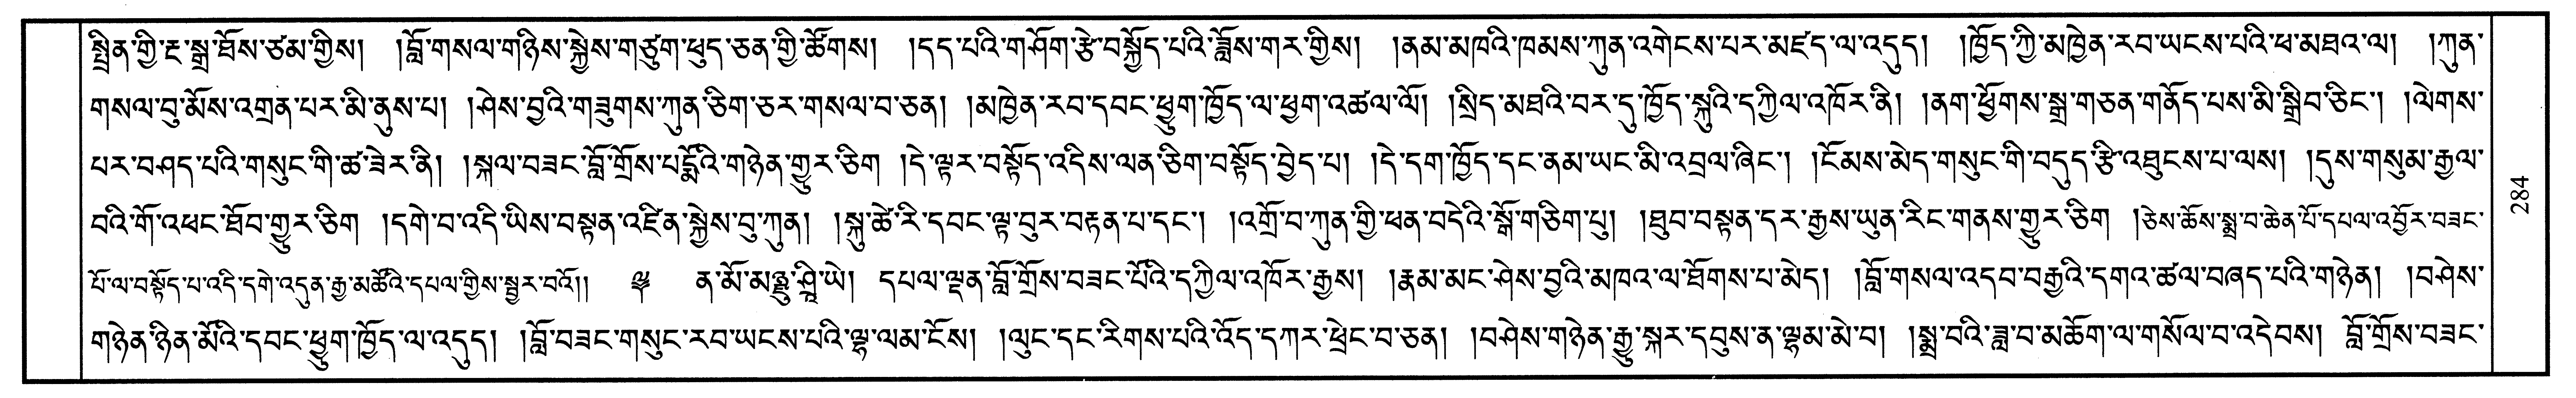སྤྲིན་གྱི་རྔ་སྒྲ་ཐོས་ཙམ་གྱིས། །བློ་གསལ་གཉིས་སྐྱེས་གཙུག་ཕུད་ཅན་གྱི་ཚོགས། །དད་པའི་གཤོག་རྩེ་བསྐྱོད་པའི་ཟློས་གར་གྱིས། །ནམ་མཁའི་ཁམས་ཀུན་འགེངས་པར་མཛད་ལ་འདུད། །ཁྱོད་ཀྱི་མཁྱེན་རབ་ཡངས་པའི་ཕ་མཐའ་ལ། །ཀུན་
གསལ་བུ་མོས་འགྲན་པར་མི་ནུས་པ། །ཤེས་བྱའི་གཟུགས་ཀུན་ཅིག་ཅར་གསལ་བ་ཅན། །མཁྱེན་རབ་དབང་ཕྱུག་ཁྱོད་ལ་ཕྱག་འཚལ་ལོ། །སྲིད་མཐའི་བར་དུ་ཁྱོད་སྐུའི་དཀྱིལ་འཁོར་ནི། །ནག་ཕྱོགས་སྒྲ་གཅན་གནོད་པས་མི་སྒྲིབ་ཅིང་། །ལེགས་
པར་བཤད་པའི་གསུང་གི་ཚ་ཟེར་ནི། །སྐལ་བཟང་བློ་གྲོས་པདམོའི་གཉེན་གྱུར་ཅིག །དེ་ལྟར་བསྟོད་འདིས་ལན་ཅིག་བསྟོད་བྱེད་པ། །དེ་དག་ཁྱོད་དང་ནམ་ཡང་མི་འབྲལ་ཞིང་། །ངོམས་མེད་གསུང་གི་བདུད་རྩི་འཐུངས་པ་ལས། །དུས་གསུམ་རྒྱལ་
བའི་གོ་འཕང་ཐོབ་གྱུར་ཅིག །དགེ་བ་འདི་ཡིས་བསྟན་འཛིན་སྐྱེས་བུ་ཀུན། །སྐུ་ཚེ་རི་དབང་ལྟ་བུར་བརྟན་པ་དང་། །འགྲོ་བ་ཀུན་གྱི་ཕན་བདེའི་སྒོ་གཅིག་པུ། །ཐུབ་བསྟན་དར་རྒྱས་ཡུན་རིང་གནས་གྱུར་ཅིག །ཅེས་ཆོས་སྨྲ་བ་ཆེན་པོ་དཔལ་འབྱོར་བཟང་
པོ་ལ་བསྟོད་པ་འདི་དགེ་འདུན་རྒྱ་མཚོའི་དཔལ་གྱིས་སྦྱར་བའོ།། ༈ ན་མོ་མཉྫུ་ཤྲཱི་ཡེ། དཔལ་ལྡན་བློ་གྲོས་བཟང་པོའི་དཀྱིལ་འཁོར་རྒྱས། །རྣམ་མང་ཤེས་བྱའི་མཁའ་ལ་ཐོགས་པ་མེད། །བློ་གསལ་འདབ་བརྒྱའི་དགའ་ཚལ་བཞད་པའི་གཉེན། །བཤེས་
གཉེན་ཉིན་མོའི་དབང་ཕྱུག་ཁྱོད་ལ་འདུད། །བློ་བཟང་གསུང་རབ་ཡངས་པའི་ལྷ་ལམ་ངོས། །ལུང་དང་རིགས་པའི་འོད་དཀར་ཕྲེང་བ་ཅན། །བཤེས་གཉེན་རྒྱུ་སྐར་དབུས་ན་ལྷམ་མེ་བ། །སྨྲ་བའི་ཟླ་བ་མཆོག་ལ་གསོལ་བ་འདེབས། །བློ་གྲོས་བཟང་